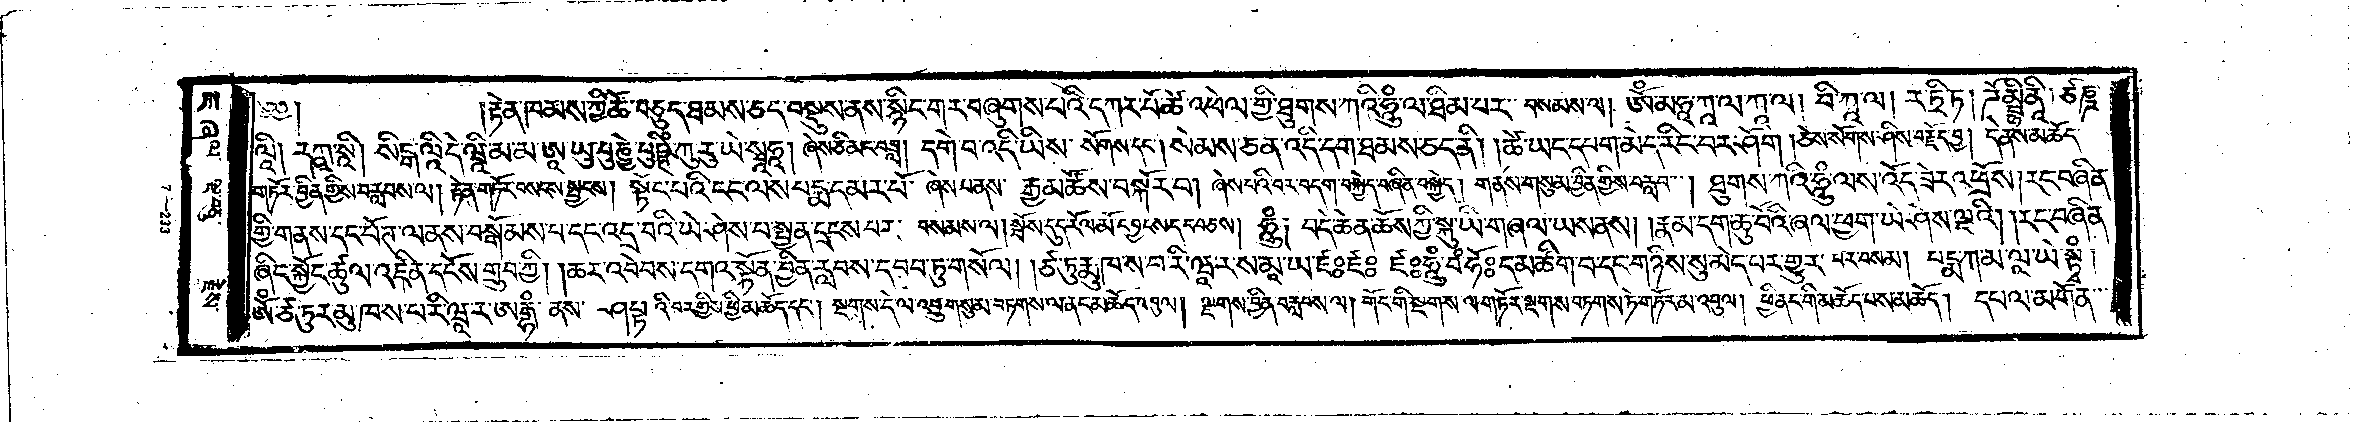༄༅། །རྟེན་ཁམས་ཀྱི་ཚེ་བཅུད་ཐམས་ཅད་བསྡུས་ནས་སྙིང་གར་བཞུགས་པའི་དཀར་པོ་ཚེ་འཕེལ་གྱི་ཐུགས་ཀའི་ཧཱུཾ་ལ་ཐིམ་པར་བསམ་ལ།  ཨོཾ་མཧཱ་ཀཱ་ལ་ཀཱ་ལ། བི་ཀཱ་ལ། ར་ཏྲི་ཏ། ཌོ་མྦྷི་ནཱི། ཙཎྜ་
ལཱི། རཀྵ་སཱི། སིངྒ་ལཱི་དེ་ཝཱཨི་མ་མ་ཨཱ་ཡུ་པུཎྱེ་པུཥྚིཾ་ཀུ་རུ་ཡེ་སྭཱཧཱ། ཞེས་ཅི་མང་བཟླ།  དགེ་བ་འདི་ཡིས་སོགས་དང་།  སེམས་ཅན་འདི་དགེ་ཐམས་ཅད་ནི། །ཚེ་ཡང་བདག་མེད་རིང་བར་ཤོག། ཅེས་སོགས་ཤིས་བརྗོད་བྱ། དེ་ནས་མཆོད་
གཏོར་བྱིན་གྱིས་བརླབས་ལ། རྟེན་གཏོར་བསངས་སྦྱངས། སྟོང་པའི་ངང་ལས་པདམ་དམར་པོ། ཞེས་པ་ནས། རྒྱ་མཚོས་བསྐོར་བ། ཞེས་པའི་བར་བདག་བསྐྱེད་བཞིན་བསྐྱེད། གནས་གསུམ་བྱིན་གྱིས་བརླབ།  ཐུགས་ཀའི་ཧཱུཾ་ལས་འོད་ཟེར་འཕྲོས། །རང་བཞིན་
གྱི་གནས་དང་པོ་ཊ་ལ་ནས་བསྒོམས་པ་དང་འདྲ་བའི་ཡེ་ཤེས་བ་སྤྱན་དྲངས་པར་བསམས་ལ། སྤོས་དུད་རོལ་མོ་བྱངས་དང་བཅས།  ཧཱུཾ༑ བདེ་ཆེན་ཆོས་ཀྱི་སྐུ་ཡི་གཞལ་ཡས་ནས། །རྣམ་དག་ཆུ་བོའི་ཞལ་ཕྱག་ཡེ་ཤེས་ལྔའི། །རང་བཞིན་
ཞིང་སྐྱོང་ཚུལ་འཛིན་དངོས་གྲུབ་ཀྱི། །ཆར་འབེབས་དགའ་སྟོན་བྱིན་རླབས་དབབ་ཏུ་གསོལ། །ཙ་ཏུརྨུ་ཁ་ས་པ་རི་ཝཱ་ར་ས་མཱ་ཡ་ཛཿཛཿ ཛཿཧཱུཾ་བཾ་ཧོཿ དམ་ཚིག་པ་དང་གཉིས་སུ་མེད་པར་གྱུར་བར་བསམ།  པདམ་ཀ་མ་ལཱ་ཡེ་སྟྭཾ།
ཨོཾ་ཙ་ཏུར་མུ་ཁས་པ་རི་ཝཱ་ར་ཨརྒྷཾ་ནས་ཤཔྟའི་བར་གྱིས་ཕྱི་མཆོད་དང་། སྔགས་དེ་ལ་འབྲུ་གསུམ་བཏགས་ལ་ནང་མཆོད་འབུལ། ལྗགས་བྱིན་བརླབས་ལ། གོང་གི་སྔགས་བཏགས་ཏེ་གཏོར་མ་འབུལ། ཕྱི་ནང་གི་མཆོད་བས་མཆོད།  དཔལ་མགོན་